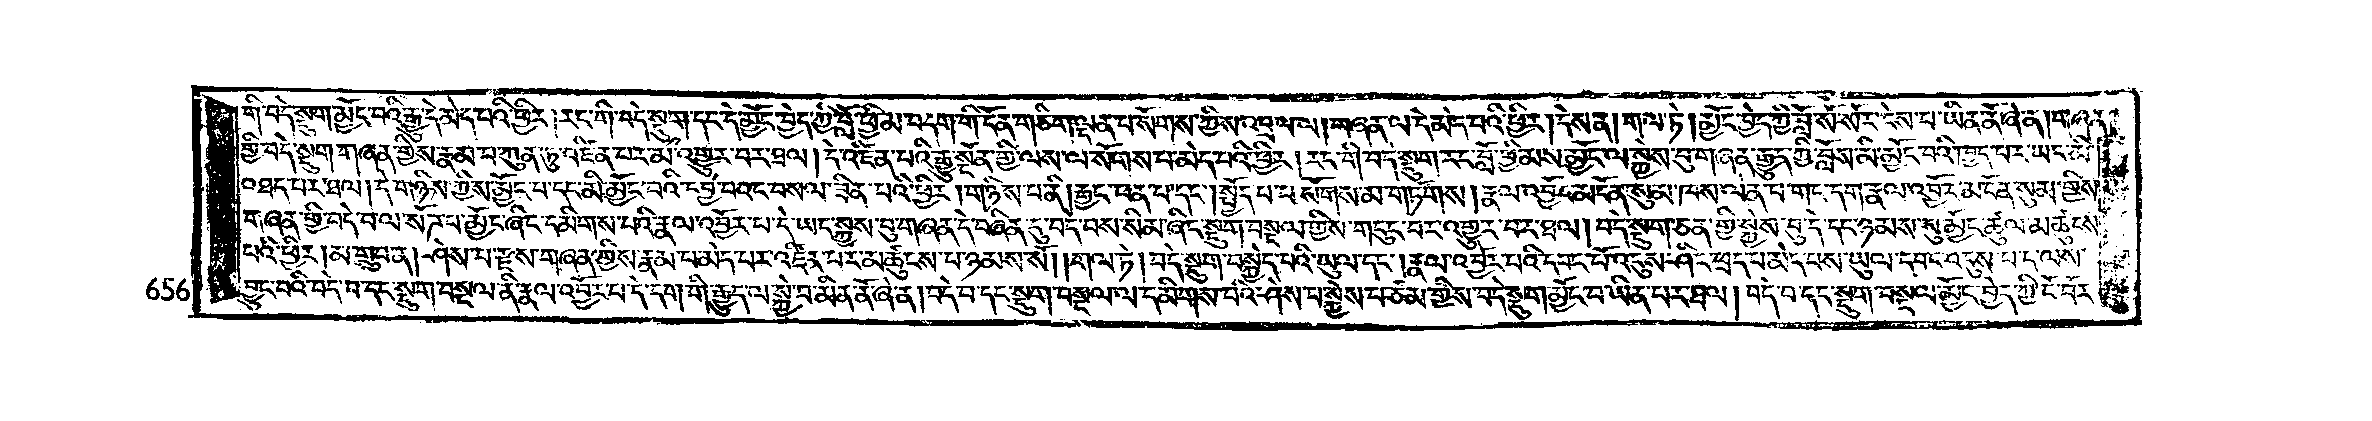གི་བདེ་སྡུག་མྱོང་བའི་རྒྱུ་དེ་མེད་པའི་ཕྱིར། རང་གི་བདེ་སྡུག་དང་དེ་མྱོང་བྱེད་ཀྱི་བློ་ཕྱི་མ་བདག་གི་དོན་གཅིག་ལྡན་པ་སོགས་ཀྱིས་འབྲལ་ལ། གཞན་ལ་དེ་མེད་པའི་ཕྱིར། དེས་ན། གལ་ཏེ། མྱོང་བྱེད་ཀྱི་བློ་སོ་སོར་ངེས་པ་ཡིན་ནོ་ཞེ་ན། གཞན་
གྱི་བདེ་སྡུག་གཞན་གྱིས་རྣམ་པ་ཀུན་ཏུ་འཛིན་པར་མི་འགྱུར་བར་ཐལ། དེ་འཛིན་པའི་རྒྱུ་སྔོན་གྱི་ལས་ལ་སོགས་པ་མེད་པའི་ཕྱིར། རང་གི་བདེ་སྡུག་རང་བློ་ཕྱི་མས་མྱོང་ལ་སྐྱེས་བུ་གཞན་རྒྱུད་ཀྱི་བློས་མི་མྱོང་བའི་ཁྱད་པར་ཡང་མི་
འཐད་པར་ཐལ། དེ་གཉིས་ཀྱི་ས་?་མྱོང་བ་དང་མི་མྱོང་བའི་དབྱེ་བའང་བསལ་ཟིན་པའི་ཕྱིར། གཉིས་པ་ནི། རྒྱང་ཕན་པ་དང་། སྤྱོད་པ་པ་སོགས་མ་གཏོགས། རྣལ་འབྱོར་མངོན་སུམ་ཁས་ལེན་པ་གང་དག་རྣལ་འབྱོར་མངོན་སུམ་གྱིས་
གཞན་གྱི་བདེ་བ་ལ་སོཌ་པ་མྱོང་ཞིང་དམིགས་པའི་རྣལ་འབྱོར་པ་དེ་ཡང་སྐྱེས་བུ་གཞན་དེ་བཞིན་དུ་བདེ་བས་སིམ་ཞིང་སྡུག་བསྔལ་གྱིས་གདུང་བར་འགྱུར་བར་ཐལ། བདེ་སྡུག་ཅན་གྱི་སྐྱེས་བུ་དེ་དང་ཉམས་སུ་མྱོང་ཚུལ་མཚུངས་
པའི་ཕྱིར། མ་གྲུབ་ན། ཤེས་པ་རྫས་གཞན་གྱིས་རྣམ་པ་མེད་པར་འཛིན་པར་མཚུངས་པ་ཉམས་སོ། །གལ་ཏེ། བདེ་སྡུག་བསྐྱེད་པའི་ཡུལ་དང་། རྣལ་འབྱོར་པའི་དབང་པོ་འདུས་ཤིང་ཕྲད་པ་མེད་པས་ཡུལ་དབང་འདུས་པ་དེ་ལས་
བྱུང་བའི་བདེ་བ་དང་སྡུག་བསྔལ་ནི་རྣལ་འབྱོར་པ་དེ་དག་གི་རྒྱུད་ལ་སྐྱེ་བ་མིན་ནོ་ཞེ་ན། བདེ་བ་དང་སྡུག་བསྔལ་ལ་དམིགས་པའི་ཤེས་པ་སྐྱེས་པ་ཙམ་གྱིས་བདེ་སྡུག་མྱོང་བ་ཡིན་པར་ཐལ། བདེ་བ་དང་སྡུག་བསྔལ་མྱོང་བྱེད་ཀྱི་ངོ་བོར་